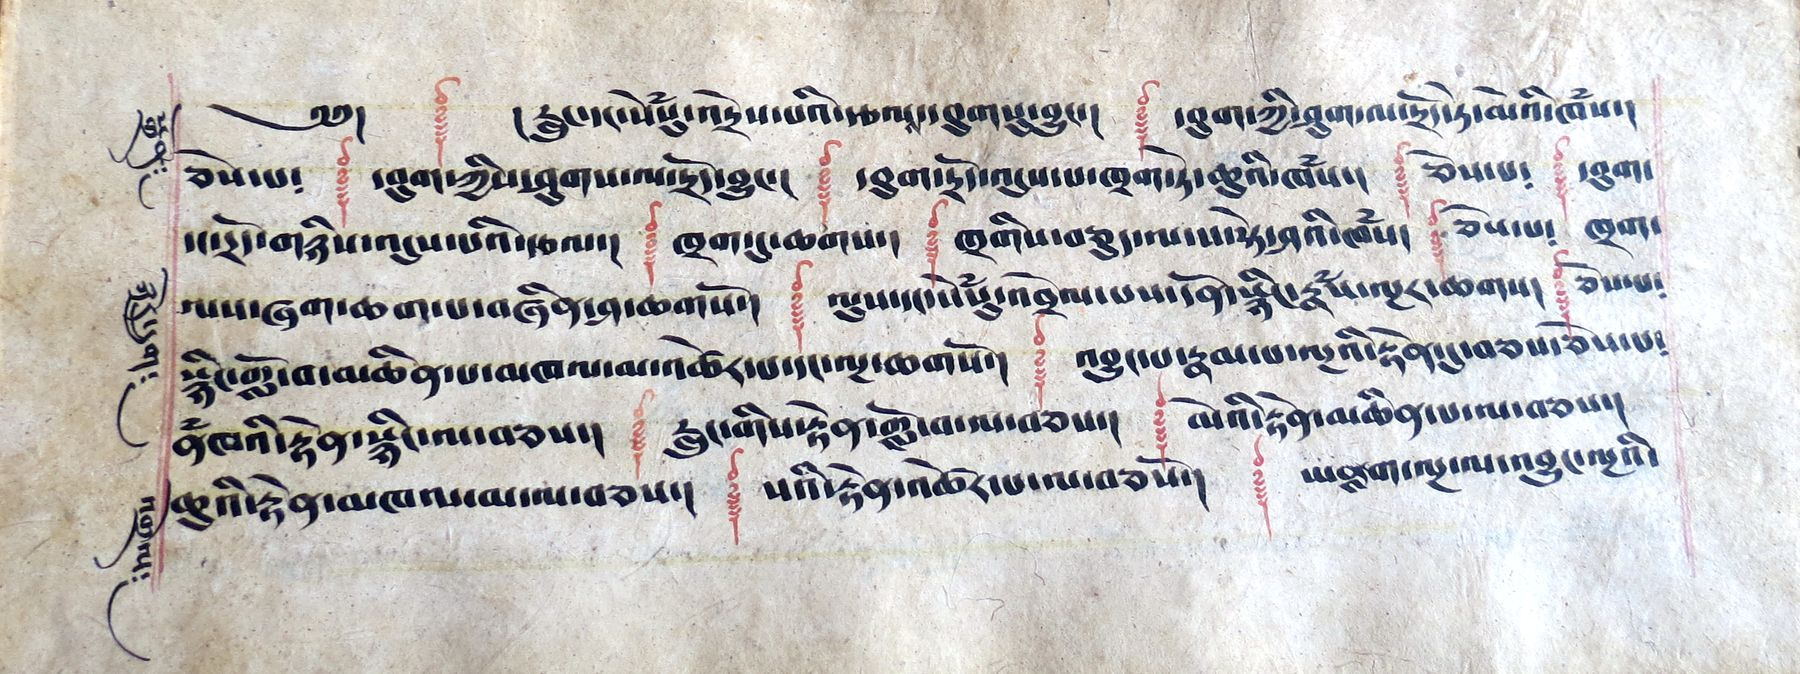རླུང་དང་སེམས་སུ་འབྲེལ་བའི་རྩལ་དབུགས་སུ་བྱུང་། དབུགས་ཀྱི་ཤུགས་ལས་དྲོད་དེ་མེའི་ཁམས། །
ཞེས་པས། དབུགས་ཀྱི་ཤུགས་ལས་དྲོད་དུ་བྱུང་། དབུགས་དྲོད་འདུས་པས་ཁྲག་ཏེ་ཆུའི་ཁམས། །ཞེས་པས། དབུགས་
དྲོད་གཉིས་འདུས་པའི་རྩལ། ཁྲག་ཏུ་ཆགས། ཁྲག་གི་བཅུད་ལས་ཤ་སྟེ་སའི་ཁམས། །ཞེས་པས། ཁྲག་
ལས་ཞག་ཆགས་པ་བཞིན་ཤ་ཆགས་སོ། །ལུས་དང་སེམས་སུ་འབྲེལ་པས་དོན་སྙིང་རྣམ་ལྔར་ཆགས། །ཞེས་པས་
སྙིང་གློ་བ་མཆིན་པ་མཁལ་མ་མཚེར་པ་དང་ལྔར་ཆགས་སོ། །འབྱུང་བ་རྣམ་པ་ལྔའི་རྟེན་དུ་བཅས་ཞེས་པས་
ནམ་མཁའི་རྟེན་སྙིང་ལ་བཅས། རླུང་གི་རྟེན་གློ་བ་ལ་བཅས། མེའི་རྟེན་མཆིན་པ་ལ་བཅས། 
ཆུའི་རྟེན་མཁལ་མ་ལ་བཅས། སའི་རྟེན་མཚེར་པ་ལ་བཅས་སོ། །ཡན་ལག་ལྔ་ལ་འབྱུང་ལྔའི་